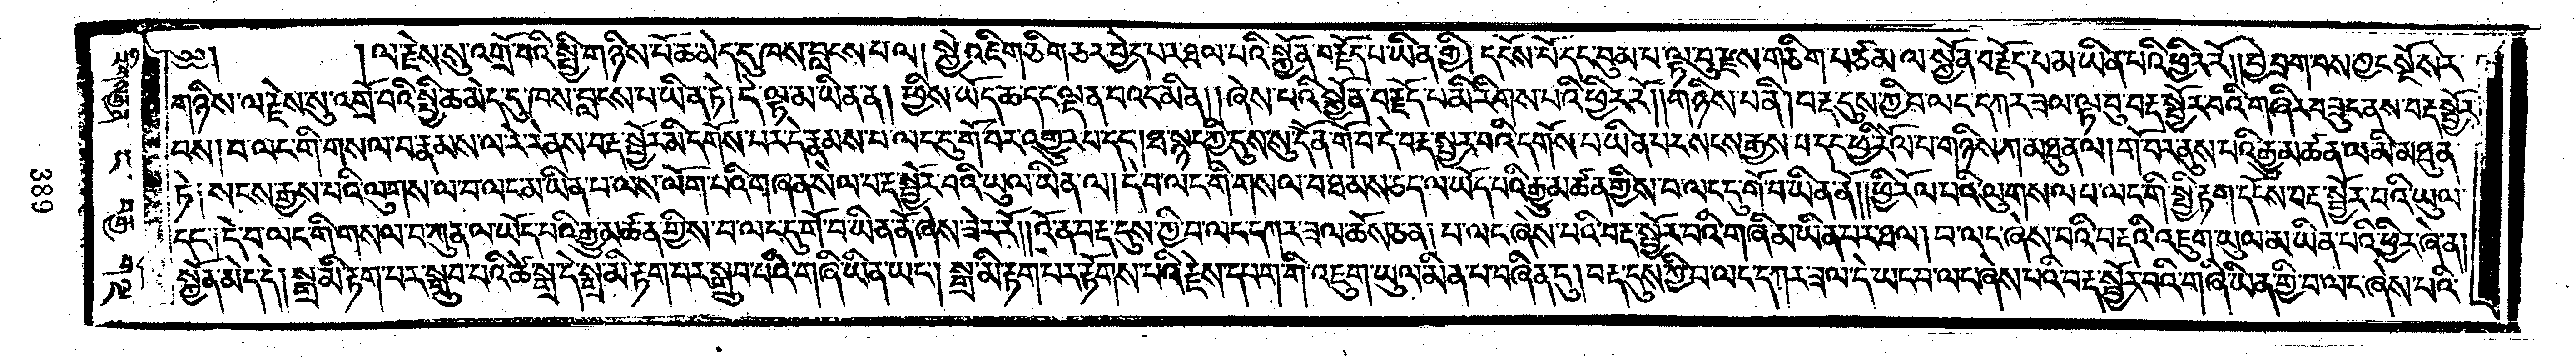༄༅། །ལ་རྗེས་སུ་འགྲོ་བའི་སྤྱི་གཉིས་པོ་ཆ་མེད་དུ་ཁས་བླངས་པ་ལ། སྐྱེ་འཇིག་ཅིག་ཅར་བྱེད་པར་ཐལ་བའི་སྐྱོན་བརྗོད་པ་ཡིན་གྱི། དངོས་པོ་དང་བུམ་པ་ལྟ་བུ་རྫས་གཅིག་པ་ཙམ་ལ་སྐྱོན་བརྗོད་པ་མ་ཡིན་པའི་ཕྱིར་རོ། །བྱེ་བྲག་པས་ཀྱང་སྔོ་སེར་
གཉིས་ལ་རྗེས་སུ་འགྲོ་བའི་སྤྱི་ཆ་མེད་དུ་ཁས་བླངས་པ་ཡིན་ཏེ། དེ་ལྟ་མ་ཡིན་ན། ཕྱིས་ཡོད་ཆ་དང་ལྡན་པའང་མིན། །ཞེས་པའི་སྐྱོན་བརྗོད་པ་མི་རིགས་པའི་ཕྱིར་རོ། །གཉིས་པ་ནི། བརྡ་དུས་ཀྱི་བ་ལང་དཀར་ཟལ་ལྟ་བུ་བརྡ་སྦྱོར་བའི་གཞིར་བཟུང་ནས་བརྡ་སྦྱར་
པས། བ་ལང་གི་གསལ་བ་རྣམས་ལ་རེ་རེ་ནས་བརྡ་སྦྱོར་མི་དགོས་པར་དེ་རྣམས་བ་ལང་དུ་གོ་བར་འགྱུར་བ་དང་། ཐ་སྙད་ཀྱི་དུས་སུ་དོན་གོ་བ་དེ་བརྡ་སྦྱར་བའི་དགོས་པ་ཡིན་པར་སངས་རྒྱས་པ་དང་ཕྱི་རོལ་པ་གཉིས་ཀ་མཐུན་ལ། གོ་བར་ནུས་པའི་རྒྱུ་མཚན་ལ་མི་མཐུན་
ཏེ། སངས་རྒྱས་པའི་ལུགས་ལ་བ་ལང་མ་ཡིན་པ་ལས་ལོག་པའི་གཞན་སེལ་བརྡ་སྦྱོར་བའི་ཡུལ་ཡིན་ལ། དེ་བ་ལང་གི་གསལ་བ་ཐམས་ཅད་ལ་ཡོད་པའི་རྒྱུ་མཚན་གྱིས་བ་ལང་དུ་གོ་བ་ཡིན་ནོ། །ཕྱི་རོལ་པའི་ལུགས་ལ་བ་ལང་གི་སྤྱི་རྟག་དངོས་བརྡ་སྦྱོར་བའི་ཡུལ་
དང་། དེ་བ་ལང་གི་གསལ་བ་ཀུན་ལ་ཡོད་པའི་རྒྱུ་མཚན་གྱིས་བ་ལང་དུ་གོ་བ་ཡིན་ནོ་ཞེས་ཟེར་རོ། །འོ་ན་བརྡ་དུས་ཀྱི་བ་ལང་དཀར་ཟལ་ཆོས་ཅན། བ་ལང་ཞེས་པའི་བརྡ་སྦྱོར་བའི་གཞི་མ་ཡིན་པར་ཐལ། བ་ལང་ཞེས་པའི་བརྡའི་འཇུག་ཡུལ་མ་ཡིན་པའི་ཕྱིར་ཞེ་ན།
སྐྱོན་མེད་དེ། སྒྲ་མི་རྟག་པར་སྒྲུབ་པའི་ཚེ་སྒྲ་དེ་སྒྲ་མི་རྟག་པར་སྒྲུབ་པའི་གཞི་ཡིན་ཡང་། སྒྲ་མི་རྟག་པར་རྟོགས་པའི་རྗེས་དཔག་གི་འཇུག་ཡུལ་མིན་པ་བཞིན་དུ། བརྡ་དུས་ཀྱི་བ་ལང་དཀར་ཟལ་དེ་ཡང་བ་ལང་ཞེས་པའི་བརྡ་སྦྱོར་བའི་གཞི་ཡིན་གྱི་བ་ལང་ཞེས་པའི་